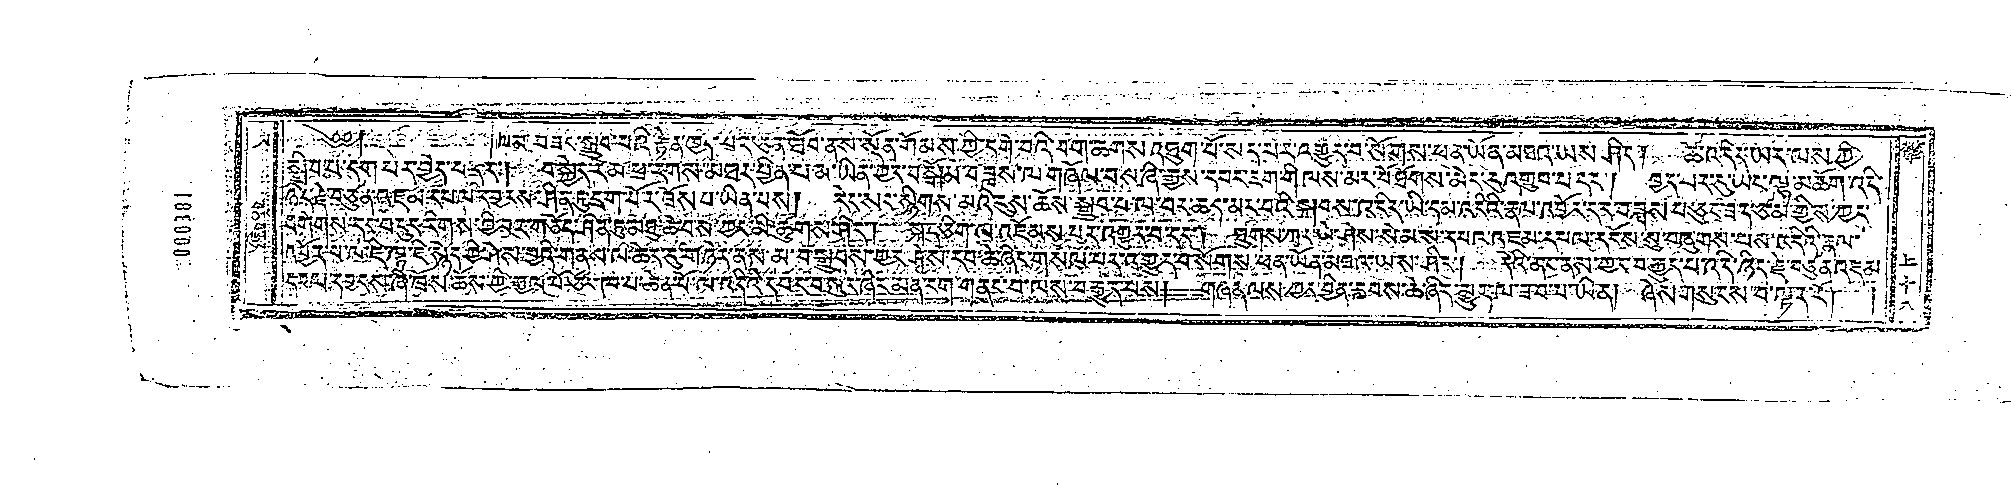༄༅། །ལམ་བཟང་སྒྲུབ་པའི་རྟེན་ཁྱད་པར་ཅན་ཐོབ་ནས་སྔོན་གོམས་ཀྱི་དགེ་བའི་བག་ཆགས་འཐུག་པོ་སད་པར་འགྱུར་བ་སོགས་ཕན་ཡོན་མཐའ་ཡས་ཤིང་། ཚེ་འདིར་ཡང་ལས་ཀྱི་
སྒྲིབ་པ་དག་པར་བྱེད་པ་དང་། བསྐྱེད་རིམ་ཕྲ་རགས་མཐར་ཕྱིན་པ་མ་ཡིན་ཀྱང་བསྒོམ་བཟླས་ལ་གཞོལ་བས་ཞི་རྒྱས་དབང་དྲག་གི་ལས་མང་པོ་ཐོགས་མེད་དུ་འགྲུབ་པ་དང་། ཁྱད་པར་དུ་ཡང་ལྷ་མཆོག་འདི་
ཉིང་རྗེ་བཙུན་འཇམ་དཔལ་དབྱངས་ཤིན་ཏུ་དྲག་པོར་ཁྲོས་པ་ཡིན་པས། དེང་སང་སྙིགས་མའི་དུས་ཆོས་སྒྲུབ་པ་ལ་བར་ཆད་མང་བའི་སྐབས་འདིར་ཡི་དམ་འདིའི་རྣལ་འབྱོར་དང་བཟླས་པ་ཅུང་ཟད་ཙམ་གྱིས་ཀྱང་
བགེགས་དང་བདུད་རིགས་ཀྱི་བར་གཅོད་ཤིན་ཏུ་མཐུ་ཆེ་བས་ཀྱང་མི་ཚུགས་ཤིང་། སྐད་ཅིག་ལ་འཇོམས་པར་འགྱུར་བ་དང་། ཐུགས་ཀར་ཡེ་ཤེས་སེམས་དཔའ་འཇམ་དཔལ་དངོས་སུ་བཞུགས་པས་འདིའི་རྣལ་
འབྱོར་པ་ལ་ཇི་ལྟ་ཇི་སྙེད་ཀྱི་ཤེས་བྱའི་གནས་ལ་ཆེད་དུ་གཉེར་ནས་མ་བསྒྲུབས་ཀྱང་ཤེས་རབ་ཆེ་ཞིང་གསལ་པར་འགྱུར་བ་སོགས་ཕན་ཡོན་མཐའ་ཡས་ཤིང་། དེའི་ནང་ནས་ཀྱང་བརྒྱུད་པ་འདི་ཉིང་རྗེ་བཙུན་འཇམ་
དཔལ་དབྱངས་ཞི་ཁྲོས་ཆོས་ཀྱི་རྒྱལ་པོ་ཙོང་ཁ་པ་ཆེན་པོ་ལ་འདིའི་དབང་བསྐུར་ཞིང་མན་ངག་གནང་བ་ལས་བརྒྱུད་པས། གཞན་ལས་ཀྱང་བྱིན་རླབས་ཆེ་ཞིང་མྱུར་ལ་ཟབ་པ་ཡིན། ཞེས་གསུངས་བ་ལྟར་རོ། །